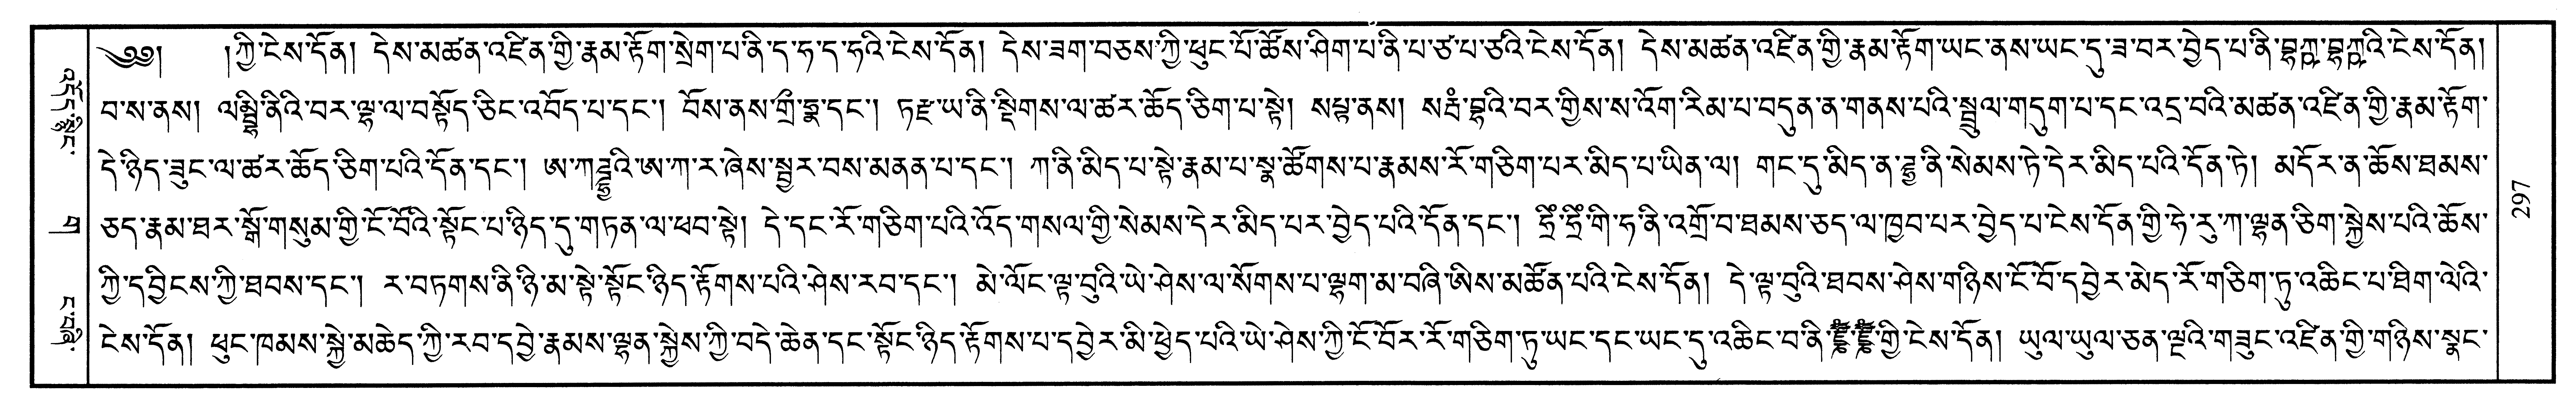༄༅། །ཀྱི་ངེས་དོན། དེས་མཚན་འཛིན་གྱི་རྣམ་རྟོག་སྲེག་པ་ནི་ད་ཧ་ད་ཧའི་ངེས་དོན། དེས་ཟག་བཅས་ཀྱི་ཕུང་པོ་ཚོས་ཤིག་པ་ནི་པ་ཙ་པ་ཙའི་ངེས་དོན། དེས་མཚན་འཛིན་གྱི་རྣམ་རྟོག་ཡང་ནས་ཡང་དུ་ཟ་བར་བྱེད་པ་ནི་བྷཀྵ་བྷཀྵའི་ངེས་དོན།
བ་ས་ནས། ལམྦྷི་ནིའི་བར་ལྷ་ལ་བསྟོད་ཅིང་འབོད་པ་དང་། བོས་ནས་གྲྀ་ཧྣ་དང་། ཏརྫ་ཡ་ནི་སྡིགས་ལ་ཚར་ཆོད་ཅིག་པ་སྟེ། སཔྟ་ནས། སརྦཾ་བྷའི་བར་གྱིས་ས་འོག་རིམ་པ་བདུན་ན་གནས་པའི་སྦྲུལ་གདུག་པ་དང་འདྲ་བའི་མཚན་འཛིན་གྱི་རྣམ་རྟོག་
དེ་ཉིད་ཟུང་ལ་ཚར་ཆོད་ཅིག་པའི་དོན་དང་། ཨ་ཀཌྜྷྱའི་ཨ་ཀ་ར་ཞེས་སྦྱར་བས་མནན་པ་དང་། ཀ་ནི་མིད་པ་སྟེ་རྣམ་པ་སྣ་ཚོགས་པ་རྣམས་རོ་གཅིག་པར་མིད་པ་ཡིན་ལ། གང་དུ་མིད་ན་ཌྷྱ་ནི་སེམས་ཏེ་དེར་མིད་པའི་དོན་ཏེ། མདོར་ན་ཆོས་ཐམས་
ཅད་རྣམ་ཐར་སྒོ་གསུམ་གྱི་ངོ་བོའི་སྟོང་པ་ཉིད་དུ་གཏན་ལ་ཕབ་སྟེ། དེ་དང་རོ་གཅིག་པའི་འོད་གསལ་གྱི་སེམས་དེར་མིད་པར་བྱེད་པའི་དོན་དང་། ཧྲིཾ་ཧྲིཾ་གི་ཧ་ནི་འགྲོ་བ་ཐམས་ཅད་ལ་ཁྱབ་པར་བྱེད་པ་ངེས་དོན་གྱི་ཧེ་རུ་ཀ་ལྷན་ཅིག་སྐྱེས་པའི་ཆོས་
ཀྱི་དབྱིངས་ཀྱི་ཐབས་དང་། ར་བཏགས་ནི་ཉི་མ་སྟེ་སྟོང་ཉིད་རྟོགས་པའི་ཤེས་རབ་དང་། མེ་ལོང་ལྟ་བུའི་ཡེ་ཤེས་ལ་སོགས་པ་ལྷག་མ་བཞི་ཨིས་མཚོན་པའི་ངེས་དོན། དེ་ལྟ་བུའི་ཤེས་གཉིས་ངོ་བོ་དབྱེར་མེད་རོ་གཅིག་ཏུ་འཆིང་པ་ཐིག་ལེའི་
ངེས་དོན། ཕུང་ཁམས་སྐྱེ་མཆེད་ཀྱི་རབ་དབྱེ་རྣམས་ལྷན་སྐྱེས་ཀྱི་བདེ་ཆེན་དང་སྟོང་ཉིད་རྟོགས་པར་དབྱེར་མི་ཕྱེད་པའི་ཡེ་ཤེས་ཀྱི་ངོ་བོར་རོ་གཅིག་ཏུ་ཡང་དང་ཡང་དུ་འཆིང་བ་ནི་ཛྞཽཾ་ཛྞཽཾ་གྱི་ངེས་དོན། ཡུལ་ཡུལ་ཅན་ལྔའི་གཟུང་འཛིན་གྱི་གཉིས་སྣང་